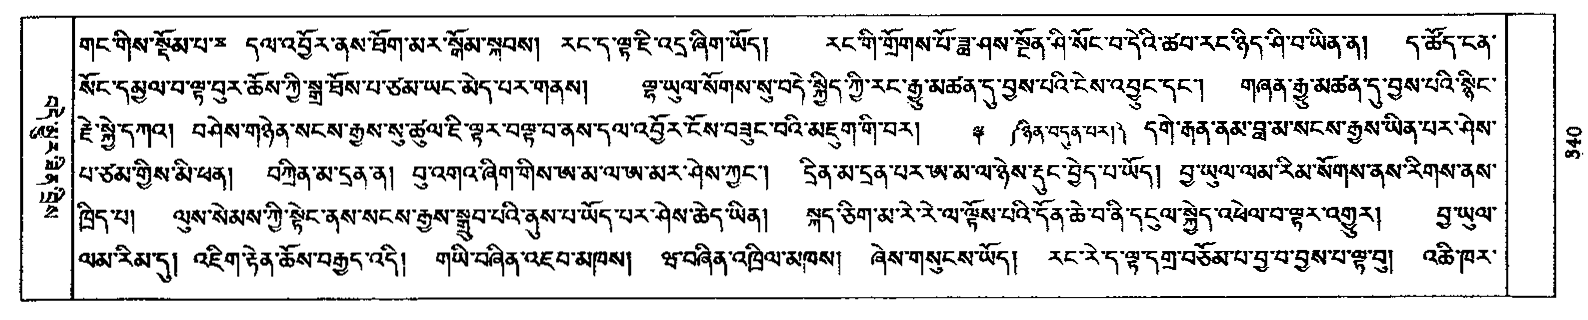གང་གིས་སྡོམ་པ་྾་དལ་འབྱོར་ནས་ཐོག་མར་སྒོམ་སྐབས། རང་ད་ལྟ་ཇི་འདྲ་ཞིག་ཡོད། རང་གི་གྲོགས་པོ་ཟླ་ཤས་སྔོན་ཤི་སོང་བ་དེའི་ཚབ་རང་ཉིད་ཤི་བ་ཡིན་ན། ད་ཚོད་ངན་
སོང་དམྱལ་བ་ལྟ་བུར་ཆོས་ཀྱི་སྒྲ་ཐོས་པ་ཙམ་ཡང་མེད་པར་གནས། ལྷ་ཡུལ་སོགས་སུ་བདེ་སྐྱིད་ཀྱི་རང་རྒྱུ་མཚན་དུ་བྱས་པའི་ངེས་འབྱུང་དང་། གཞན་རྒྱུ་མཚན་དུ་བྱས་པའི་སྙིང་
རྗེ་སྐྱེ་དཀའ། བཤེས་གཉེན་སངས་རྒྱས་སུ་ཚུལ་ཇི་ལྟར་བལྟ་བ་ནས་དལ་འབྱོར་ངོས་བཟུང་བའི་མཇུག་གི་བར། ༈ ཉིན་བདུན་པར།?་དགེ་རྒན་ནམ་བླ་མ་སངས་རྒྱས་ཡིན་པར་ཤེས་
པ་ཙམ་གྱིས་མི་ཕན། བཀྲིན་མ་དྲན་ན། བུ་འགའ་ཞིག་གིས་ཨ་མ་ལ་ཨ་མར་ཤེས་ཀྱང་། དྲིན་མ་དྲན་པར་ཨ་མ་ལ་ཉེས་རྡུང་བྱེད་པ་ཡོད། བྱ་ཡུལ་ལམ་རིམ་སོགས་ནས་རིགས་ནས་
ཁྲིད་པ། ལུས་སེམས་ཀྱི་སྟེང་ནས་སངས་རྒྱས་སྒྲུབ་པའི་ནུས་པ་ཡོད་པར་ཤེས་ཆེད་ཡིན། སྐད་ཅིག་མ་རེ་རེ་ལ་ལྟོས་པའི་དོན་ཆེ་བ་ནི་དངུལ་སྐྱེད་འཕེལ་བ་ལྟར་འགྱུར། བྱ་ཡུལ་
ལམ་རིམ་དུ། འཇིག་རྟེན་ཆོས་བརྒྱད་འདི། གཡི་བཞིན་འཇབ་མཁས། ཝ་བཞིན་འཁྲིལ་མཁས། ཞེས་གསུངས་ཡོད། རང་རེ་ད་ལྟ་དགྲ་བཅོམ་པ་བྱ་བ་བྱས་པ་ལྟ་བུ། འཆི་ཁར་